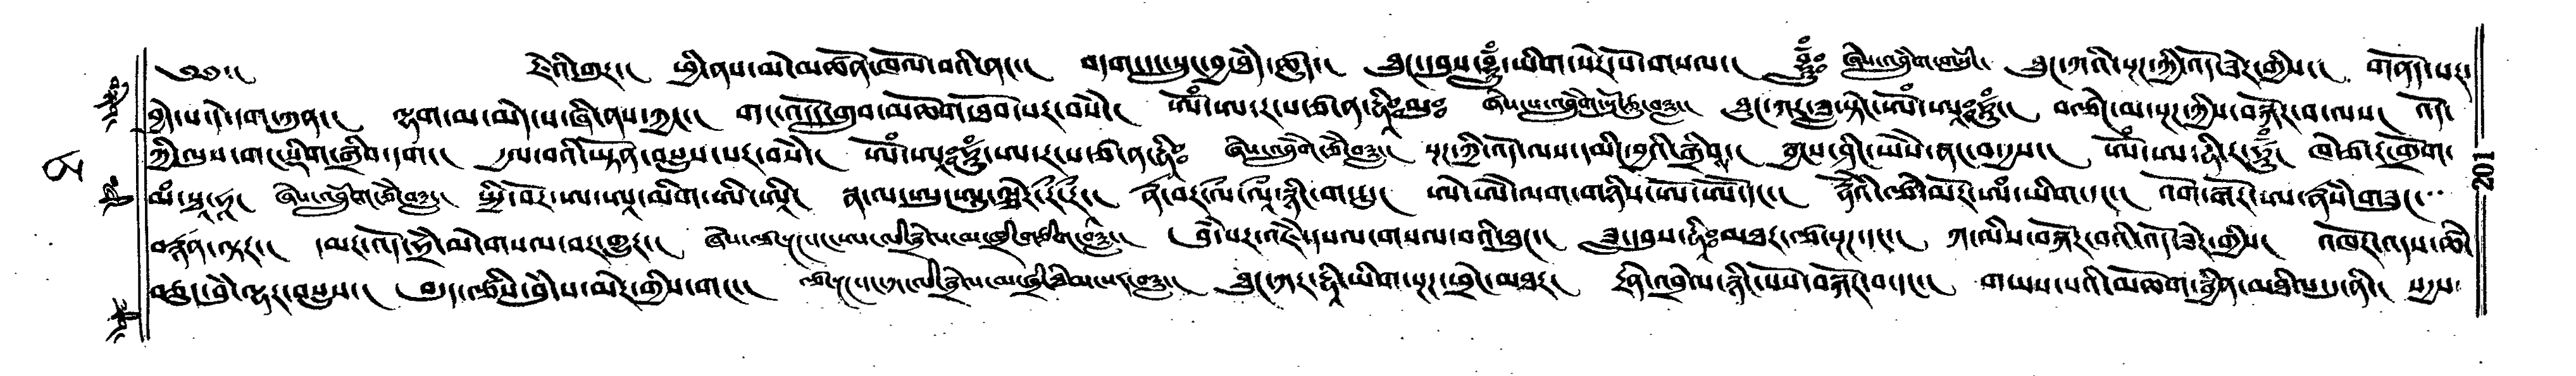རྗེའི་གུར། །ཕྱི་ནས་མེ་མཚོན་ཁོལ་བའི་ནང། །བདག་དང་སྲུང་བྱ་ཐམས་ཅད་ཚུད། །ཐུགས་དབུས་བྷྲུྃ་ཡིག་སེར་པོ་གསལ། བྷྲུྃཿ ཞེས་འབུམ་ཕྲག་གསུམ། ཐུགས་ཀའི་སྔགས་ཀྱི་འོད་ཟེར་གྱིས། །གནོད་པར་
བྱེད་པ་དེ་དག་ཀུན། །ལྷག་མ་མེད་པར་ཞི་ནས་ཀྱང། །གང་འདོད་གྲུབ་མཆོག་ཐོབ་པར་བསམ། ཨོཾ་ཨ་ར་པ་ཙ་ན་དྷཱིཿམུཿ ཞེས་པ་འབུམ་ཕྲག་སུམ་ཅུ་བཟླ། ཐུགས་ཀར་ཟླ་སྟེང་ཨོཾ་ཨཱཿཧཱུྃ། །བརྩེགས་མ་སྔགས་ཀྱིས་བསྐོར་བ་ལས། །འོད་
ཀྱིས་ལུས་གང་སྡིག་སྒྲིབ་དག །རྒྱལ་བའི་ཡོནཏན་བསྡུས་པར་བསམ། ཨོཾ་ཨཱ་ཧཱུྃ་ཨ་ར་པ་ཙ་ན་དྷཱིཿ ཞེས་འབུམ་ཕྲག་ཙམ་བཟླ། སྔགས་ཀྱི་འོད་ལས་དམིགས་བྱའི་སྒྲིབ། །སྦྱངས་ཤིང་ཡེ་ཤེས་སྣང་བ་རྒྱས། ཨོཾ་ཨ་དྷི་ར་ཧཱུྃ། ཁེ་ཙ་ར་གྲོག་
མཾ་སྭ་ཧཱ། ཞེས་འབུམ་ཕྲག་ཙམ་བཟླ། སྤྱི་བོར་ཨ་ཨཱ་མིག་ཨི་ཨཱི། །སྣ་ལ་ཨུ་ཨཱུ་ལྕེར་རྀ་རཱྀ། །རྣ་བར་ལྀ་ལཱྀ་སྙིང་ག་རུ། །ཨེ་ཨཱཻ་ལག་གཉིས་ཨོ་ཨཱཽ་དང་། །རྡོ་རྗེའི་རྩེ་མོར་ཨཾ་ཡིག་དང་། །འོག་སྒོར་ཨཱ་རྣམས་གཟུགས་
བརྙན་ལྟར། །དམར་འོད་ལྷམ་མེ་གསལ་བར་གྱུར། ཞེས་རྩ་སྔགས་དང་ཨ་ལི་སྦྲེལ་མ་ཁྲི་གཅིག་བཟླ། བུམ་པར་འཇམ་དཔལ་གསལ་བའི་ཐུགས། །ཟླ་དབུས་དྷིའཿམཐར་རྩ་སྔགས་དང་། ཀ་ལིས་བསྐོར་བའི་འོད་ཟེར་གྱིས། །འཁོར་འདས་ཚེ་
བཅུད་བུམ་ལྷར་བསྡུས། །བདུད་རྩིས་བུམ་པ་མེར་གྱིས་གང་། རྩ་སྔགས་དང་ཀ་ལི་སྦྲེལ་མ་ཁྲི་ཐེམས་པར་བཟླ། ཐུགས་ཀར་དྷཱི་ཡིག་སྔགས་ཕྲེང་མཐར། །རྟེན་འབྲེལ་སྙིང་པོས་བསྐོར་བ་དང་། །གཡས་པའི་མཆོག་སྦྱིན་མཐིལ་དུ་ནི། །སངས་རྒྱས་